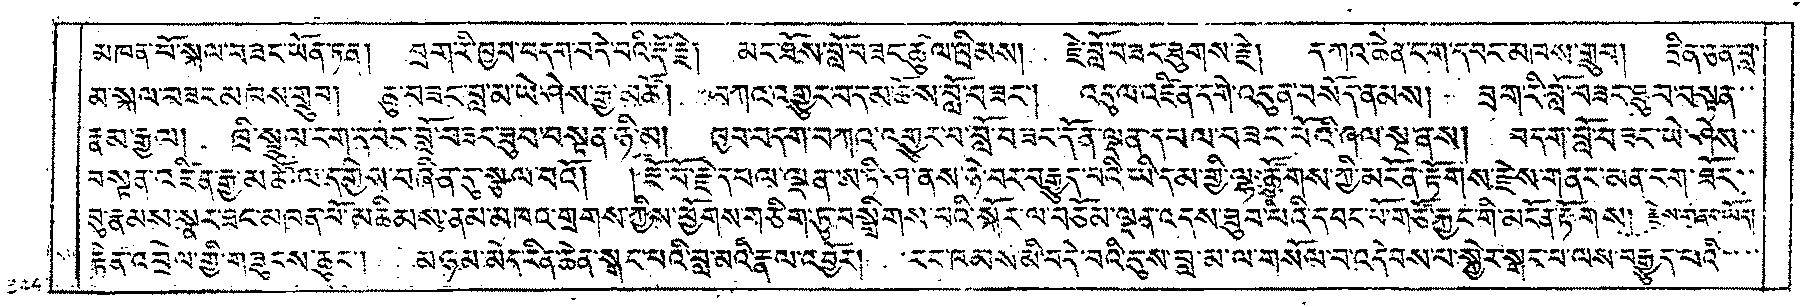མཁན་པོ་སྐལ་བཟང་ཡོན་ཏན། བྲག་རི་ཁྱབ་བདག་བདེ་བའི་རྡོ་རྗེ། མང་ཐོས་བློ་བཟང་ཚུལ་ཁྲིམས། རྗེ་བློ་བཟང་ཐུགས་རྗེ། དཀའ་ཆེན་ངག་དབང་མཁས་གྲུབ། དྲིན་ཅན་བླ་
མ་སྐལ་བཟང་མཁས་གྲུབ། ཆུ་བཟང་བླ་མ་ཡེ་ཤེས་རྒྱ་མཚོ། བཀའ་འགྱུར་བ་དམ་ཆོས་བློ་བཟང་། འདུལ་འཛིན་དགེ་འདུན་བསོད་ནམས། བྲག་རི་བློ་བཟང་ཐུབ་བསྟན་
རྣམ་རྒྱལ། ཁྲི་སྤྲུལ་ངག་དབང་བློ་བཟང་ཐུབ་བསྟན་ཉི་མ། ཁྱབ་བདག་བཀའ་འགྱུར་བ་བློ་བཟང་དོན་ལྡན་དཔལ་བཟང་པོའི་ཞལ་སྔ་ནས། བདག་བློ་བཟང་ཡེ་ཤེས་
བསྟན་འཛིན་རྒྱ་མཚོ་ལ་དགྱེས་བཞིན་དུ་སྩལ་བའོ། །ཇོ་བོ་རྗེ་དཔལ་ལྡན་ཨ་ཏི་ཤ་ནས་ཉེ་བར་བརྒྱུད་པའི་ཡི་དམ་གྱི་ལྷ་སྣ་ཚོགས་ཀྱི་མངོན་རྟོགས་རྗེས་གནང་མན་ངག་ཐོར་
བུ་རྣམས་སྣར་ཐང་མཁན་པོ་མཆིམས་ནམ་མཁའ་གྲགས་ཀྱིས་ཕྱོགས་གཅིག་ཏུ་བསྒྲིགས་པའི་སྐོར་ལ་བཅོམ་ལྡན་འདས་ཐུབ་པའི་དབང་པོ་གཙོ་རྐྱང་གི་མངོན་རྟོགས། རྗེས་གནང་ཡོད།
རྟེན་འབྲེལ་གྱི་གཟུངས་ཆུང་། མཉམ་མེད་རིན་ཆེན་སྒང་པའི་བླ་མའི་རྣལ་འབྱོར། རང་ཁམས་མི་བདེ་བའི་དུས་བླ་མ་ལ་གསོལ་བ་འདེབས་པ་སྐྱེར་སྒང་པ་ལས་བརྒྱུད་པའི་